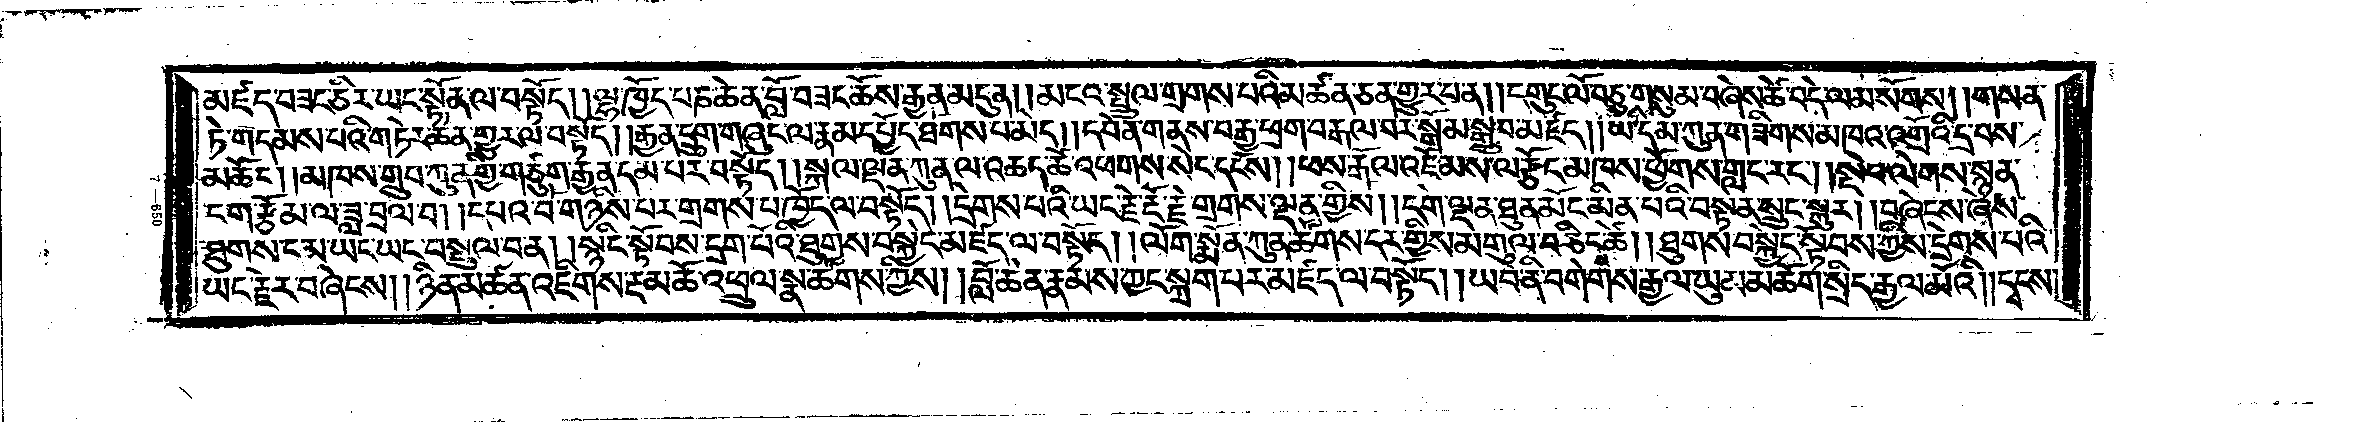མཛད་བཟང་ཅིར་ཡང་སྟོན་ལ་བསྟོད། །ལྷ་ཁྱོད་པཎ་ཆེན་བློ་བཟང་ཆོས་རྒྱན་མདུན། །མངའ་སྤྲུལ་གྲགས་པའི་མཚན་ཅན་གྱུར་པན། །དགུང་ལོ་བཅུ་གསུམ་བཞེས་ཚེ་བདེ་ལམ་སོགས། །གསན་
ཏེ་གདམས་པའི་གཏེར་ཆེན་གྱུར་ལ་བསྟོད། །རྒྱན་དྲུག་གཞུང་ལ་རྣམ་དཔྱོད་ཐོགས་པ་མེད། །དཔོན་གནས་བརྒྱ་ཕྲག་བརྒལ་བར་སྒོམ་སྒྲུབ་མཛད། །ཡི་དམ་ཀུན་གཟིགས་མཁའ་འགྲོའི་དྲ་བས་
མཆོད། །མཁས་གྲུབ་ཀུན་གྱི་གཙུག་རྒྱན་དམ་པར་བསྟོད། །སྐལ་ལྡན་ཀུན་ལ་འཆད་ཚེ་འཕགས་སེང་དངོས། །ཕས་རྒོལ་འཇོམས་ལ་རྩོང་མཁས་ཕྱོགས་གླང་རང་། །སྡེབ་ལེགས་སྙན་
ངག་རྩོམ་ལ་ཟླ་བྲལ་བ། །དཔའ་བོ་གཉིས་པར་གྲགས་པ་ཁྱོད་ལ་བསྟོད། །དྲེགས་པའི་ཡང་རྗེ་རྡོ་རྗེ་གྲགས་ལྡན་གྱིས། །དགེ་ལྡན་ཐུན་མོང་མིན་པའི་བསྟན་སྲུང་སྐུར། །བཞེངས་ཞེས་
ཐུགས་དམ་ཡང་ཡང་བསྐུལ་བ་ན། །སྙིང་སྟོབས་དྲག་པོའི་ཐུགས་བསྐྱེད་མཛད་ལ་བསྟོད། །ལོག་སྨོན་ཀུན་ཚོགས་དར་གྱིས་མགུལ་བ་ཅིང་ཚེ། །ཐུགས་བསྐྱེད་སྟོབས་ཀྱིས་དྲེགས་པའི་
ཡང་རྗེར་བཞེངས། །ཉིན་མཚན་འཇིགས་རྔམ་ཆོ་འཕྲུལ་སྣ་ཚོགས་ཀྱིས། །བློ་ཆེན་རྣམས་ཀྱང་སྐྲག་པར་མཛད་ལ་བསྟོད། །ཡབ་ནི་བགེགས་རྒྱལ་ཡུམ་མཆོག་སྲིད་རྒྱལ་མོའི། །དྭངས།